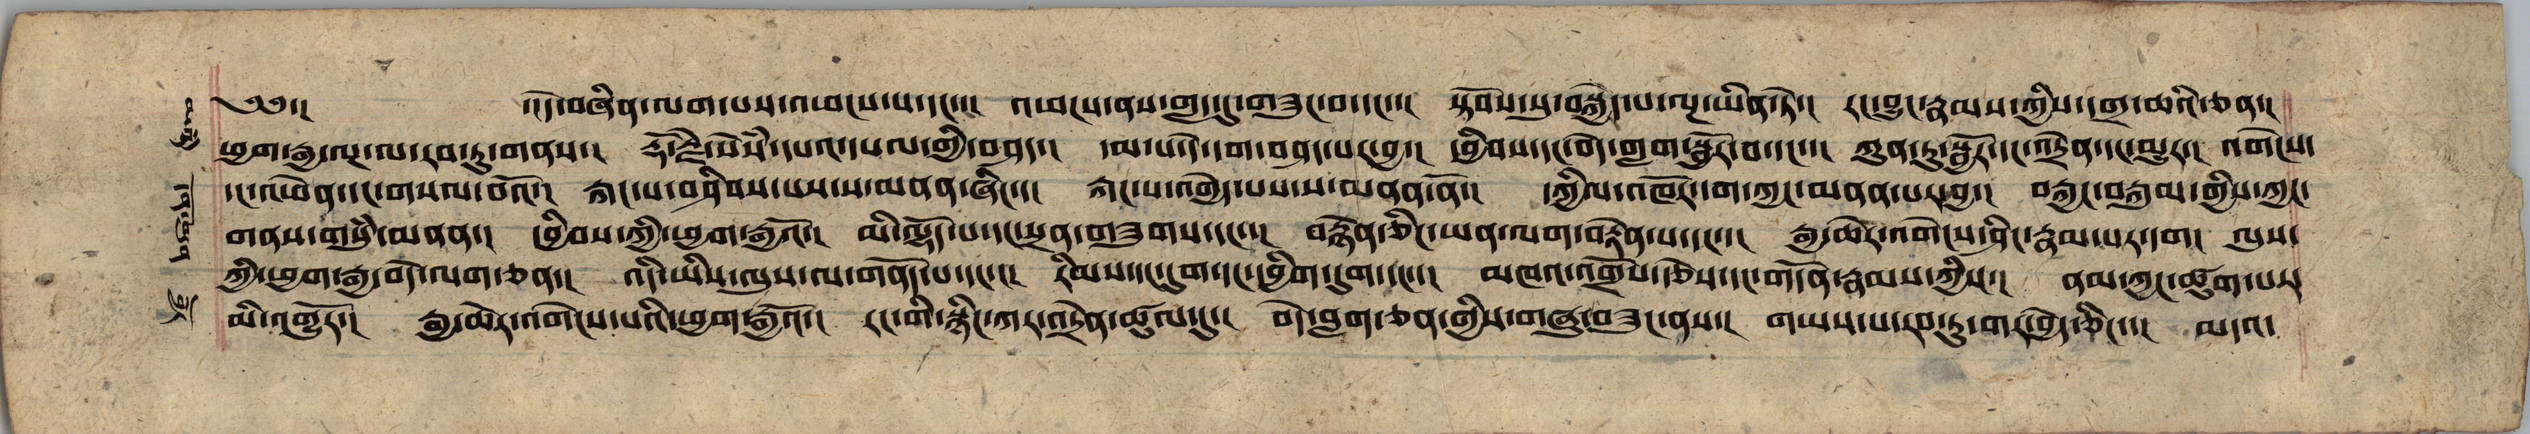༄༅་། ་།དེ་བཞིན་ལག་པས་འཕངས་པ་དང་་། འཕངས་ནས་གླད་དུ་གཟུང་བ་དང་་། སྟོབས་སུ་བསྐྱེད་པ་ལྔ་ཡིན་ཏེ་། རང་བྱུང་རྣམས་ཀྱིས་དགྲ་ཆའི་ཅན་།
ཕྱག་རྒྱ་ལྔ་ལ་རབ་ཏུ་གནས་། རྡོ་རྗེ་སེཾས་དཔའ་དཔལ་གྱི་བཤད་། དམ་པ་དེ་དག་བཤད་པར་བྱ་། དབྱིབས་དང་བདེ་གླག་སྦྱོར་བ་དང་་། ཀུན་ཏུ་སྦྱོར་དང་འདྲེན་དང་མྱུར་། འགེངས་
དང་འཕེན་དང་གསལ་བའོ་། རྐང་པ་བཤིབས་པས་ས་མནན་ཞིང་་། རྐང་པ་འགྱེད་པས་ས་མནན་ནོ་། དཀྱིལ་འཁོར་དག་ཀྱང་མནན་པར་བྱ་། བརྐྱང་བརྐུམ་གྱིས་ཀྱང་
གནས་གསུཾ་མནན་། དབྱིབས་ཀྱི་ཕྱག་རྒྱའོ་། མི་ལྷོད་པ་དང་སྲན་གཟུགས་དང་་། བརྙེན་ཅིང་ཡན་ལག་བརྟེན་པ་དང་་། རྒྱ་ཆེར་འགེངས་ཤིང་རྣམ་པར་དག། ལུས་
ཀྱི་ཕྱག་རྒྱ་བདེ་ལག་ཅན་། འདི་ཡིས་ལུས་ལ་གནོད་པ་དང་་། རིམས་དང་དུག་དང་དབྱིག་དུག་དང་་། མཁའ་འགྲོས་རྩེས་དང་གདོན་རྣམས་ཀྱིས་། ནམ་ཀྱང་ཚུག་པར་
མི་འགྱུརོ་། རྒྱ་ཆེར་འགེངས་པའི་ཕྱག་རྒྱའོ་། རང་གི་སྙིང་ཀར་འདྲེན་ཚུལ་དུ་། བདེ་བླག་ཅན་གྱིས་གཞུ་བཟུང་ནས་། གཡས་པ་རབ་ཏུ་གར་བྱེད་ཅིང་་། མདའ་